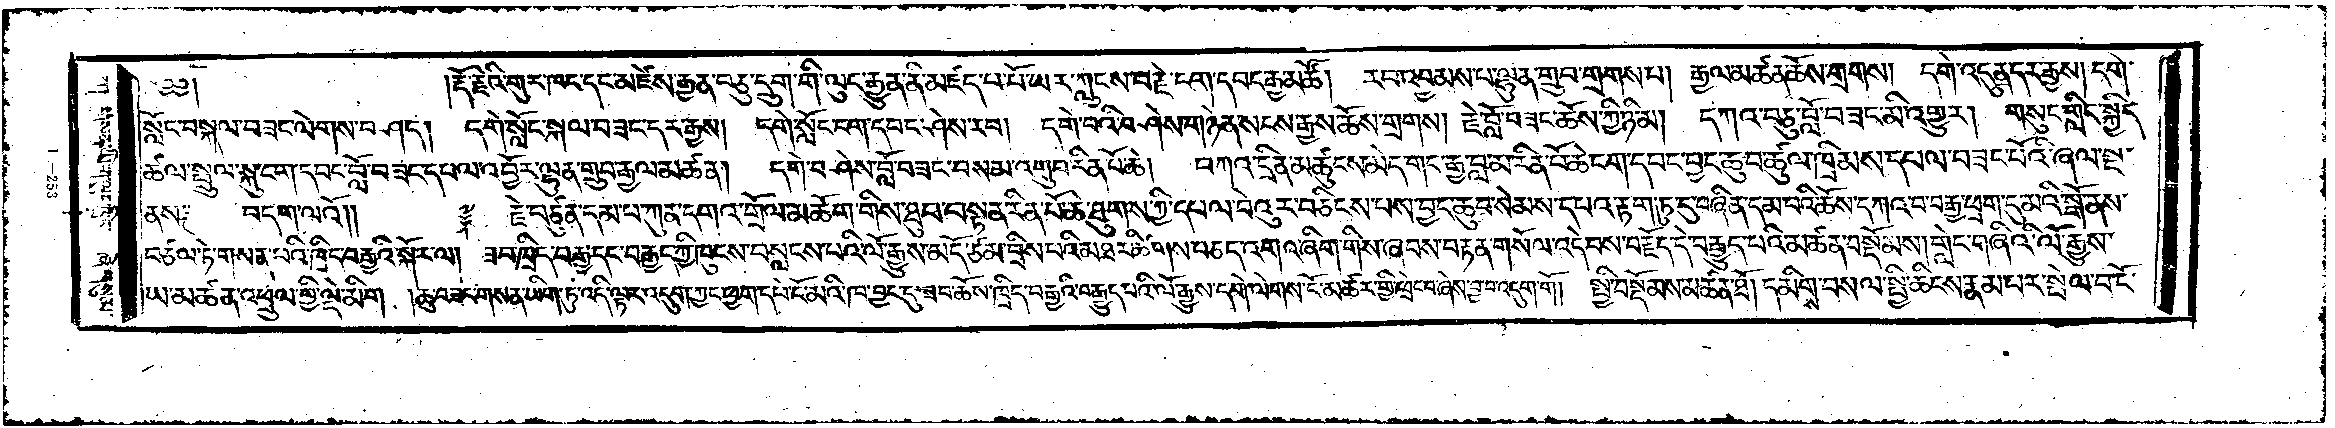༄༅། །རྡོ་རྗེའི་གུར་ཁང་དང་མཛེས་རྒྱན་བཅུ་དྲུག་གི་ལུང་རྒྱུན་ནི་མཛད་པ་པོ་ཡར་ཀླུངས་བརྗེ་ངག་དབང་རྒྱ་མཚོ། རབ་འབྱམས་པ་ལྷུན་གྲུབ་གྲགས་པ། རྒྱལ་མཚན་ཆོས་གྲགས། དགེ་འདུན་དར་རྒྱས། དགེ་
སློང་བསྐལ་བཟང་ལེགས་བཤད། དགེ་སློང་སྐལ་བཟང་དར་རྒྱས། དགེ་སློང་ངག་དབང་ཤེས་རབ། དགེ་བའི་བཤེས་གཉེན་སངས་རྒྱས་ཆོས་གྲགས། རྗེ་བློ་བཟང་ཆོས་ཀྱི་ཉི་མ། དཀའ་བཅུ་བློ་བཟང་མི་འགྱུར། གསུང་གླིང་སྐྱིད་
ཚལ་སྤྲུལ་སྐུ་ངག་དབང་བློ་བཟང་དཔལ་འབྱོར་ལྷུན་གྲུབ་རྒྱལ་མཚན། དགེ་བཤེས་བློ་བཟང་བསམ་འགྲུབ་རིན་པོ་ཆེ། བཀའ་དྲིན་མཚུངས་མེད་གང་རྒྱ་བླ་མ་རིན་པོ་ཆེ་ངག་དབང་བྱང་ཆུབ་ཚུལ་ཁྲིམས་དཔལ་བཟང་པོའི་ཞལ་སྔ་
ནས༑ བདག་ལའོ།། འ་རྗེ་བཙུན་དམ་པ་ཀུན་དགའ་གྲོལ་མཆོག་གིས་ཐུབ་བསྟན་རིན་པོ་ཆེ་ཐུགས་ཀྱི་དཔལ་བེའུར་བཅིངས་པས་བྱང་ཆུབ་སེམས་དཔའ་རྟག་ཏུ་དུ་བཞིན་དམ་པའི་ཆོས་དཀའ་བ་བརྒྱ་ཕྲག་དུ་མའི་སྒོ་ནས་
བཙལ་ཏེ་གསན་པའི་ཁྲིད་བརྒྱའི་སྐོར་ལ། ཟབ་ཁྲིད་བརྒྱ་དང་བརྒྱད་ཀྱི་ཁུངས་བསླངས་པའི་ལོ་རྒྱུས་མདོ་ཙམ་བྲིས་པའི་མཐར་ཚིགས་བཅད་འགའ་ཞིག་གིས་ཞབས་བརྟན་གསོལ་འདེབས་བརྗོད་དེ་བརྒྱུད་པའི་མཚན་བསྡོམས། གླེང་གཞིའི་ལོ་རྒྱུས་
ཡ་མཚན་འཕྲུལ་གྱི་ལྡེ་མིག་།ཆུ་བཟང་གསན་ཡིག་ཏུ་འདི་ལྟར་འདུག་ཀྱང་ཕྱག་དཔེ་ངོ་མའི་ཁ་བྱང་དུ་ཟབ་ཆོས་ཁྲིད་བརྒྱའི་བརྒྱུད་པའི་ལོ་རྒྱུས་དགེ་ལེགས་ངོ་མཚར་གྱི་ཕྲེང་བ་ཞེས་བྱ་བ་འདུག་གོ།  སྤྱི་བསྡོམས་མཚན་ཐོ། དམིགས་བསལ་སྤྱི་ཆིངས་རྣམ་པར་སྤེལ་བ་ངོ་